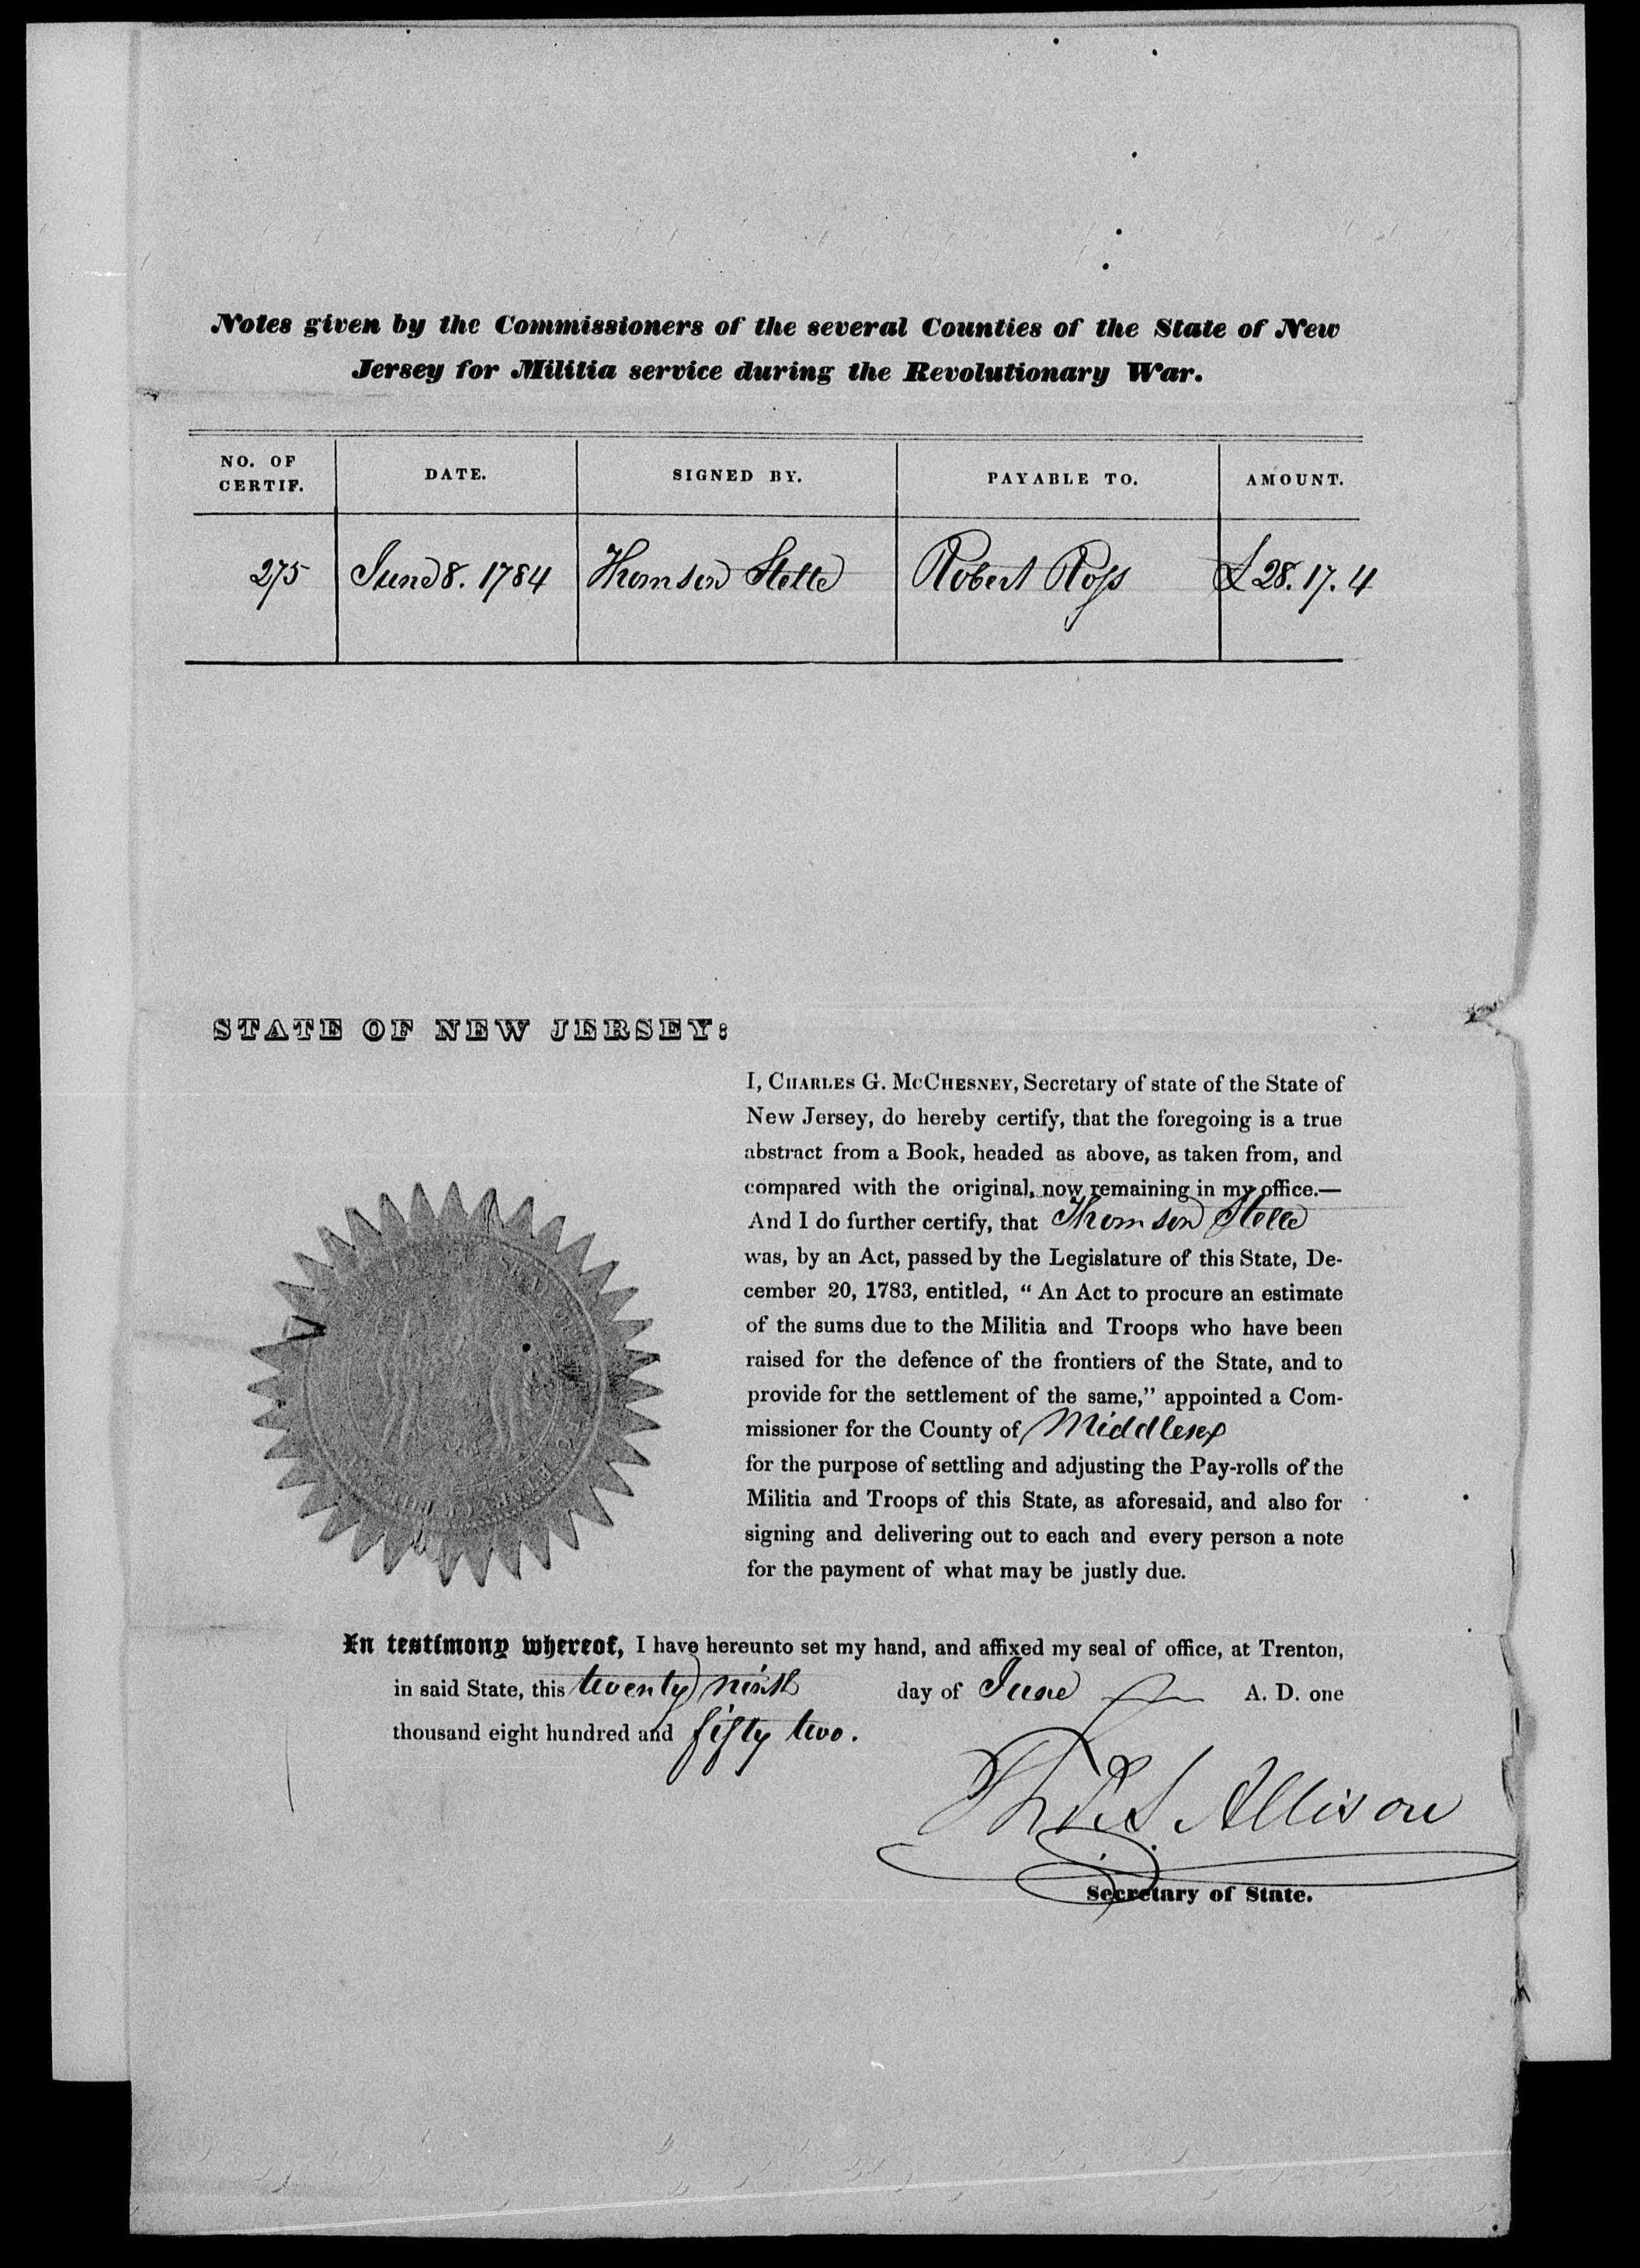Notes given by the Commissioners of the several Counties of the State of New Jersey for Militia service during the Revolutionary War.

NO. OF CERTIF. | DATE. | SIGNED BY. | PAYABLE TO | AMOUNT.
275 | June 8. 1784 | Thomson Stelle | Robert Ross | £28.17.4


STATE OF NEW JERSEY:

I, CHARLES G. McCHESNEY, Secretary of state of the State of New Jersey, do hereby certify, that the foregoing is a true abstract from a Book, headed as above, as taken from, and compared with the original now remaining in my office.-

And I do further certify, that Thomson Stelle was, by an Act passed by the Legislature of this State, December 20, 1783, entitled, "An Act to procure an estimate of the sums due to the Militia and Troops who have been raised for the defence of the frontiers of the State, and to provide for the settlement of the same," appointed a Commissioner for the County of Middlesex for the purpose of settling and adjusting the Pay-rolls of the Militia and Troops of this State, as aforesaid, and also for signing and delivering out to each and every person a note for the payment of what may be justly due.

In testimony whereof, I have hereunto set my hand, and affixed my seal of office, at Trenton, in said State, this twenty ninth day of June A.D. one thousand eight hundred and fifty two.

Thos. S. Allison, Secretary of State.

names: Robert Ross; Thomson Stelle; Thos S Allison; Thomsen Stelle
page: 76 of 95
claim: survivor's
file: S 2889, for Levi Mundy, New Jersey